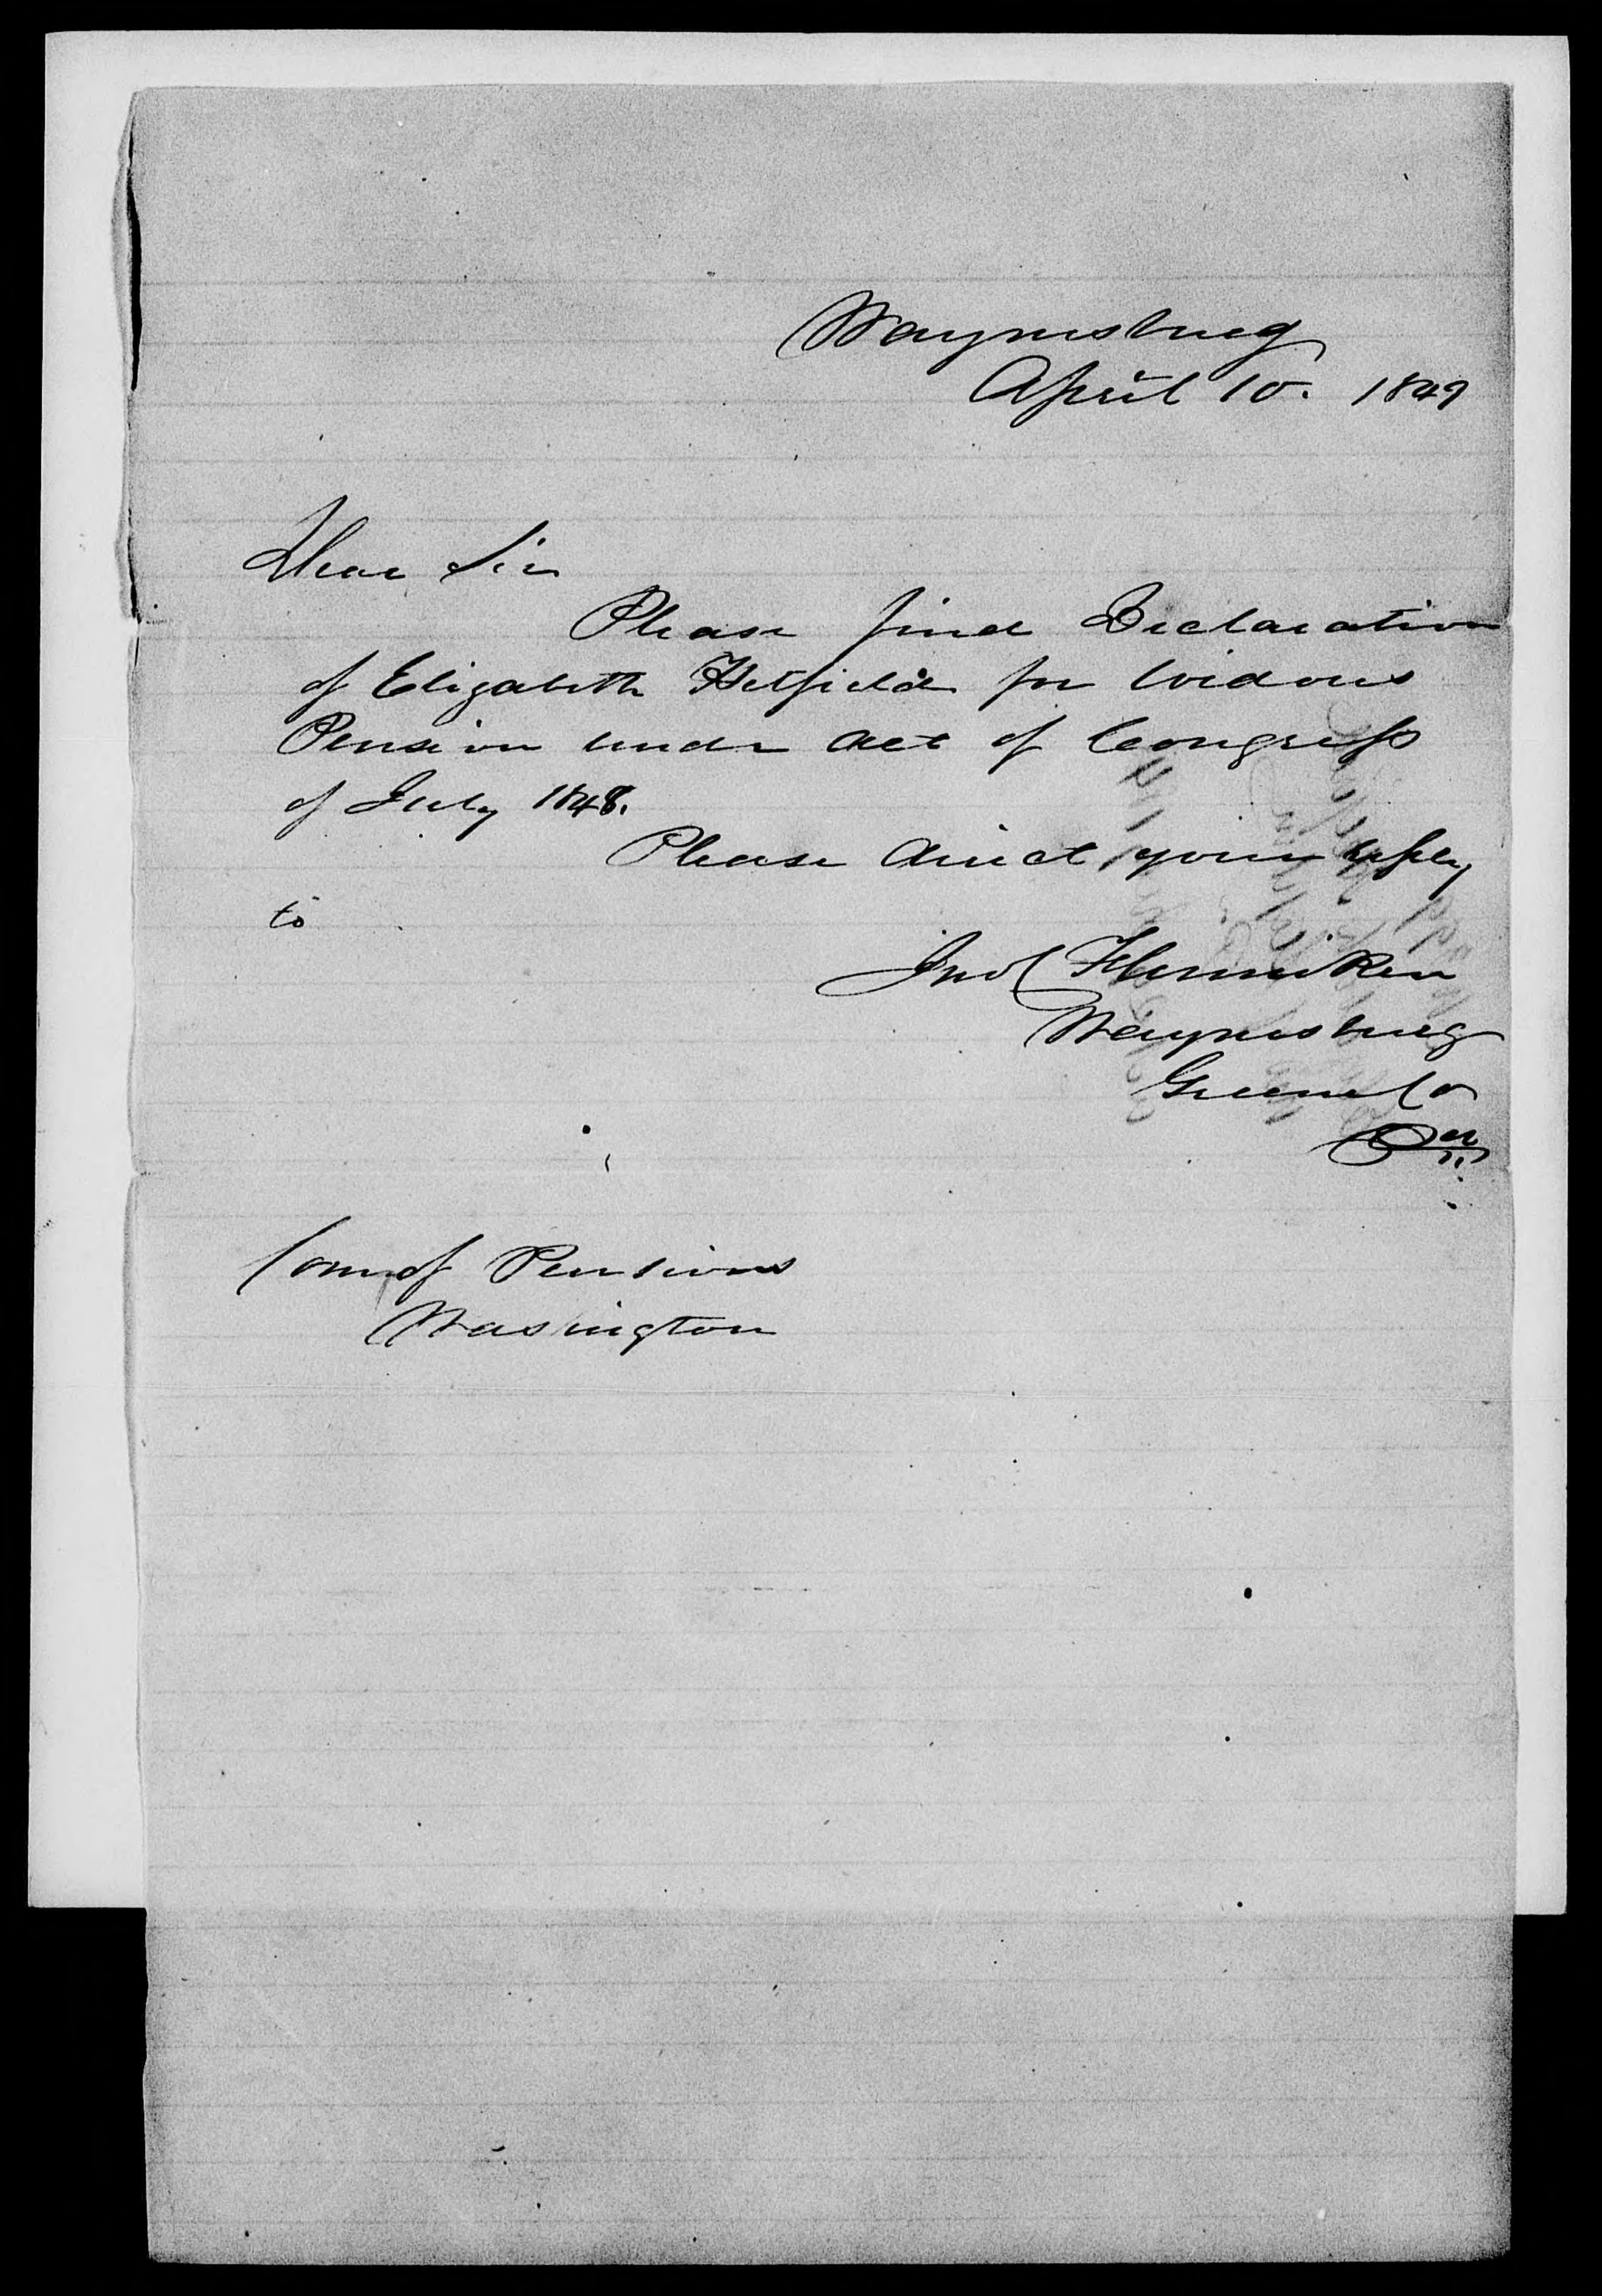Waynesburg
April 10, 1849

Dear Sir

Please find Declaration
of Elizabeth Hetfield for widows
Pension under Act of Congress
of July 1848.
Please direct your reply
to

Jno C Flenniken
Waynesburg
GreeneCo
Pa
"

Comrof Pension
Washington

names: Jno C Flenniken, Elizabeth Hetfield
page: 31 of 45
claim: widow's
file: W. 2734, Stephen Hetfield, New Jersey